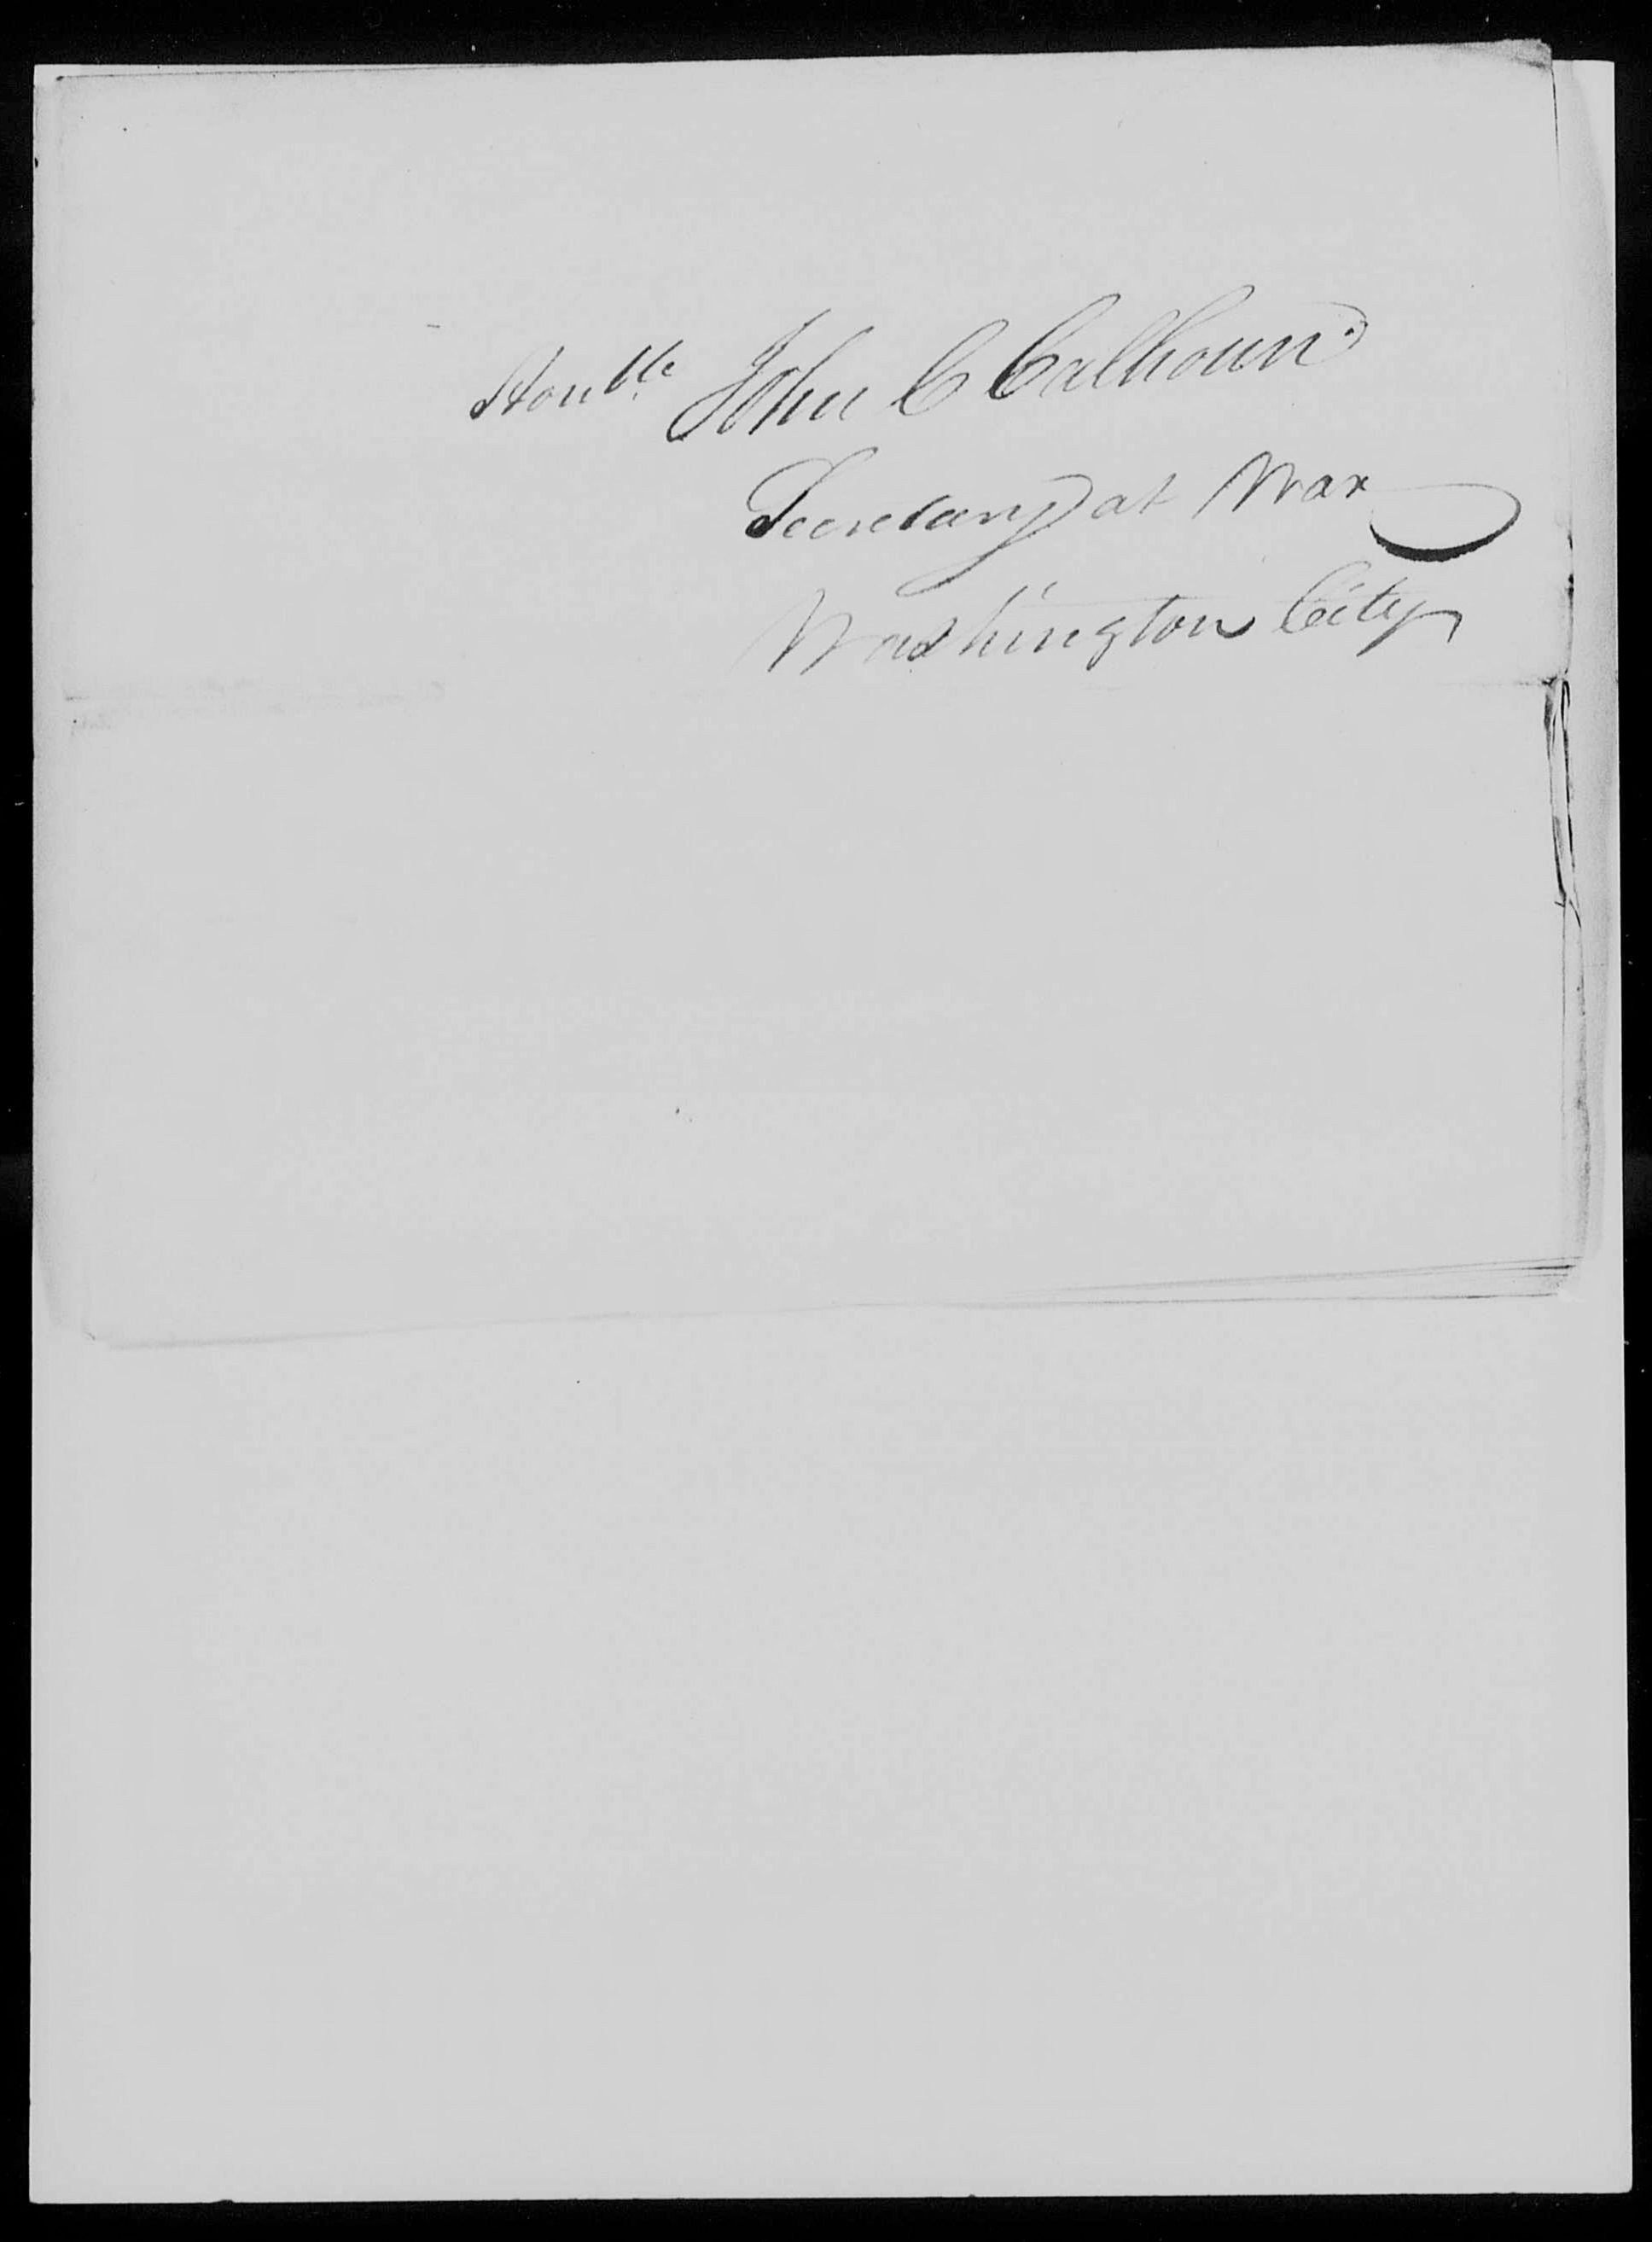Honorable John C Calhoun
Secretary of War
Washington City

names: John C Calhoun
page: 24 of 29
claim: survivor's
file: S. 37,795, Benjamin Bolton, N.C.